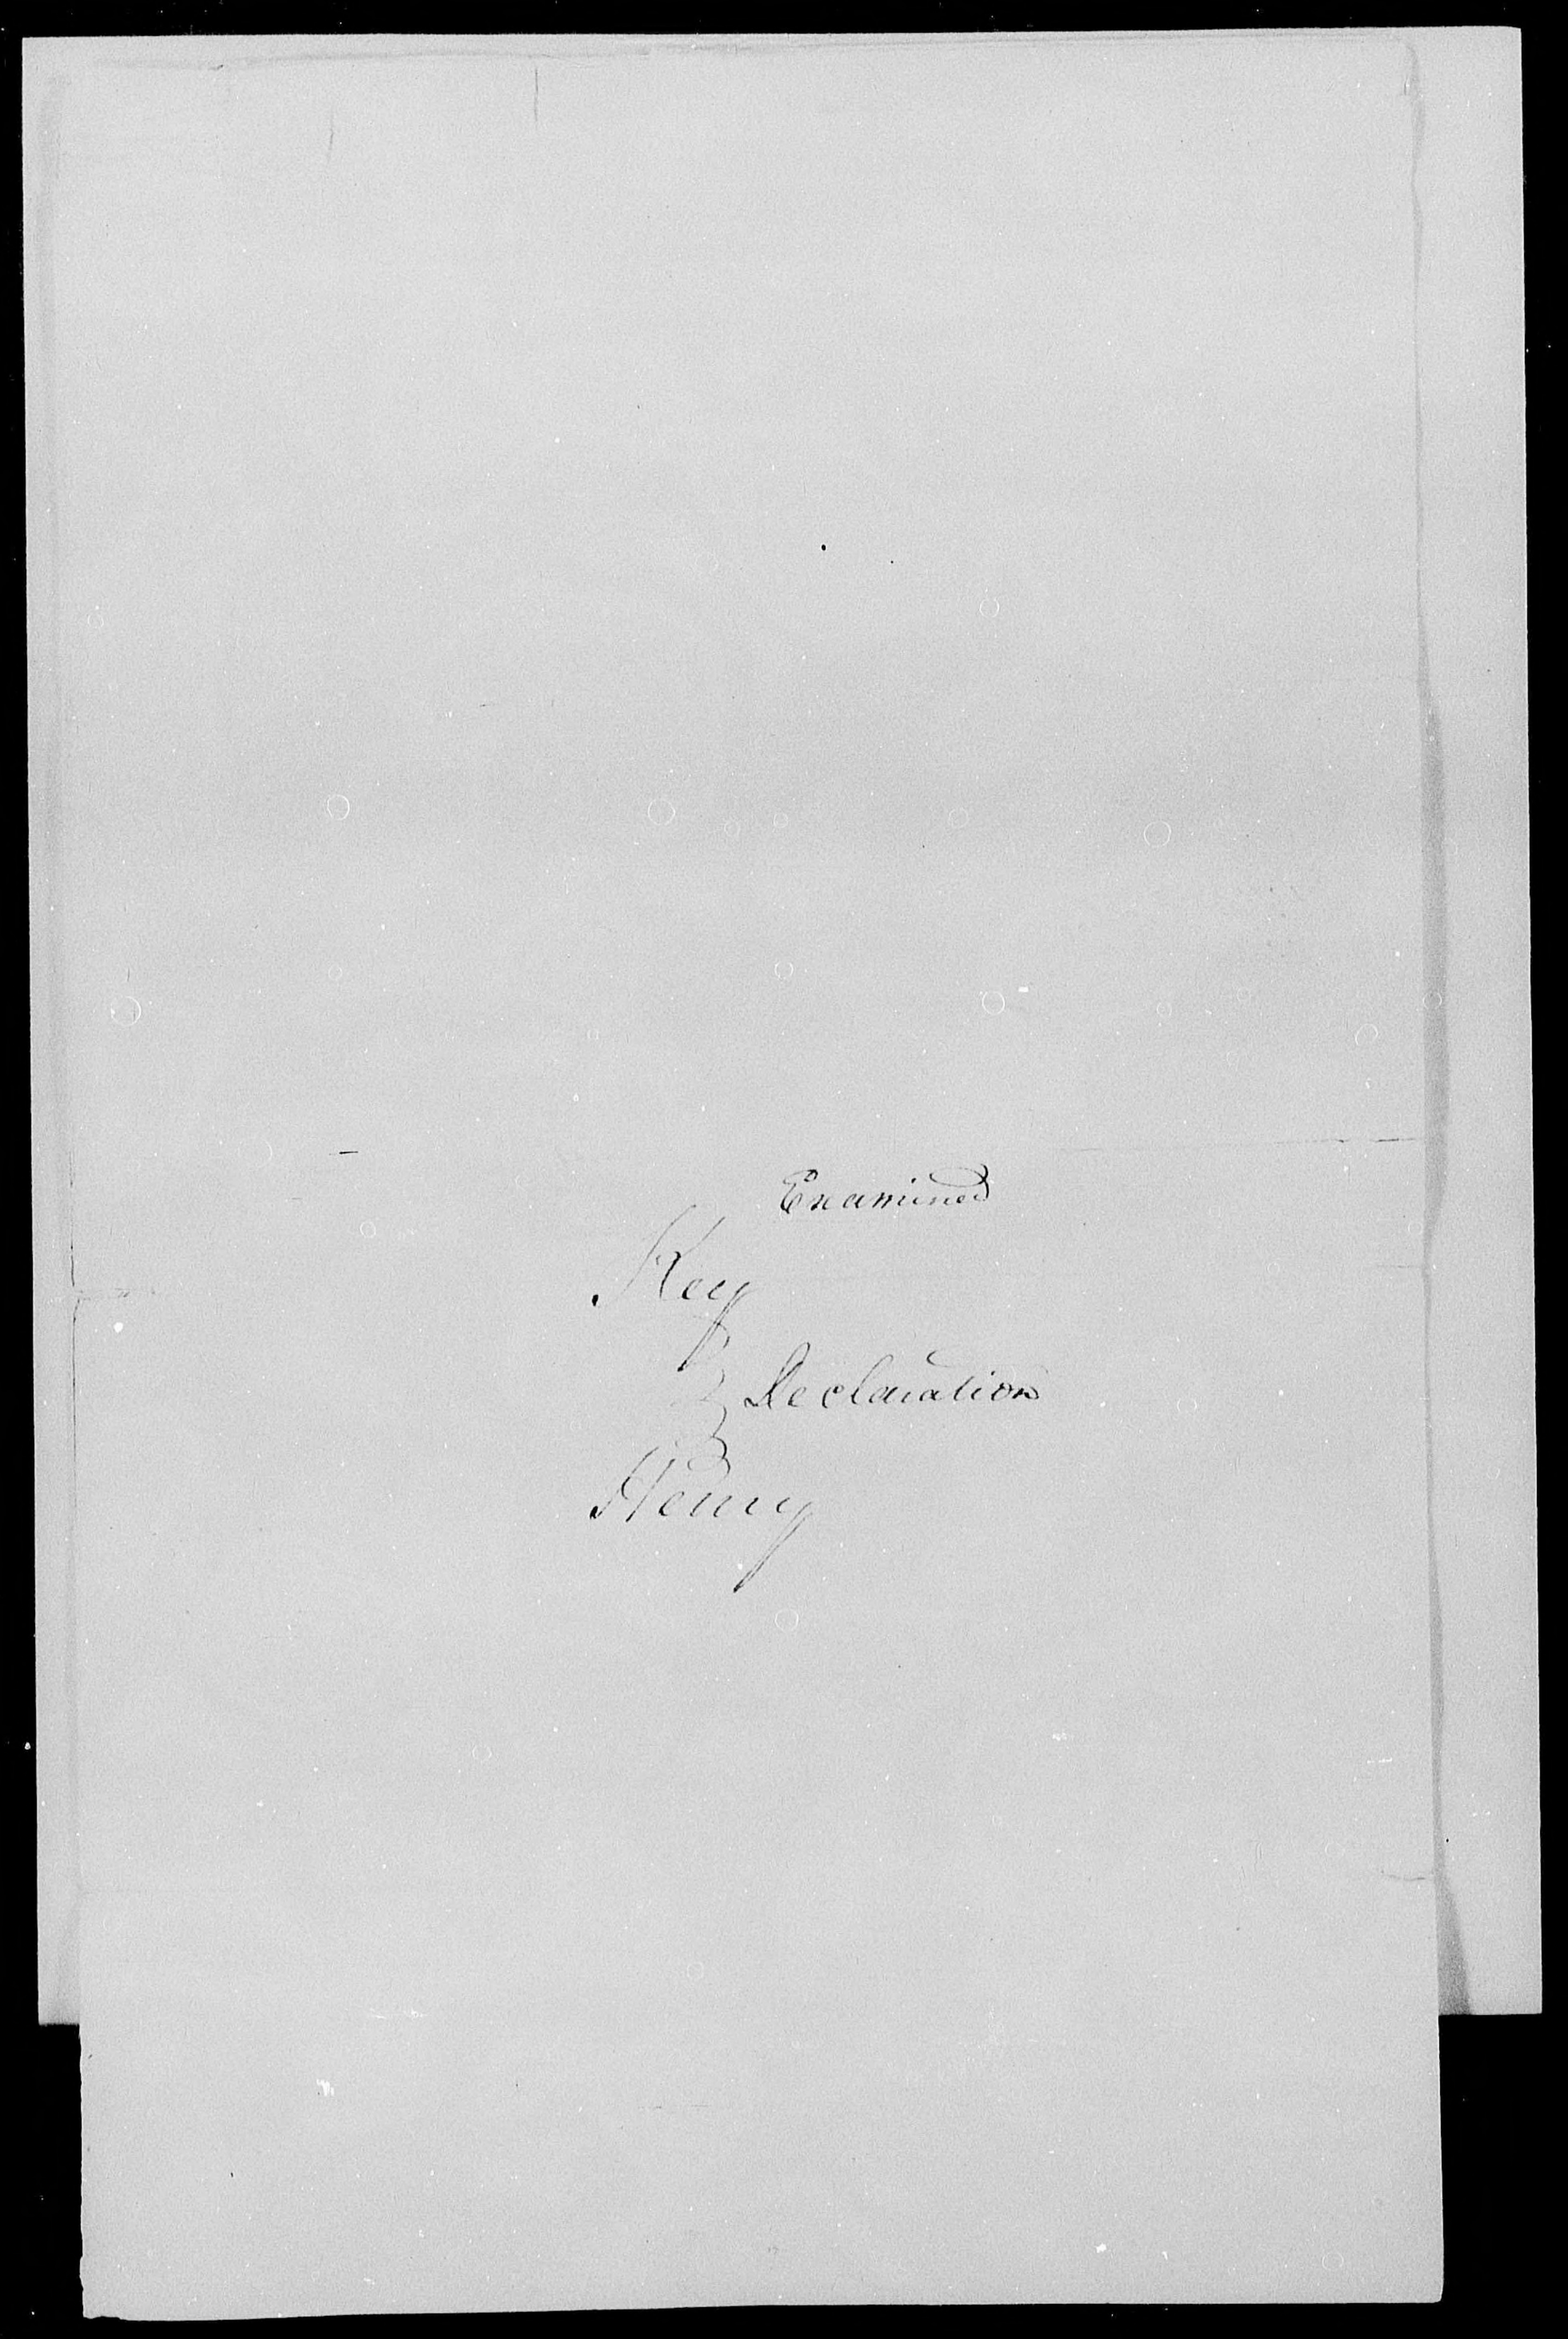Page 4

Examined
Declaration
Key
Henry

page: 4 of 25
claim: survivor's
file: S 38116, for Henry Key, Virginia